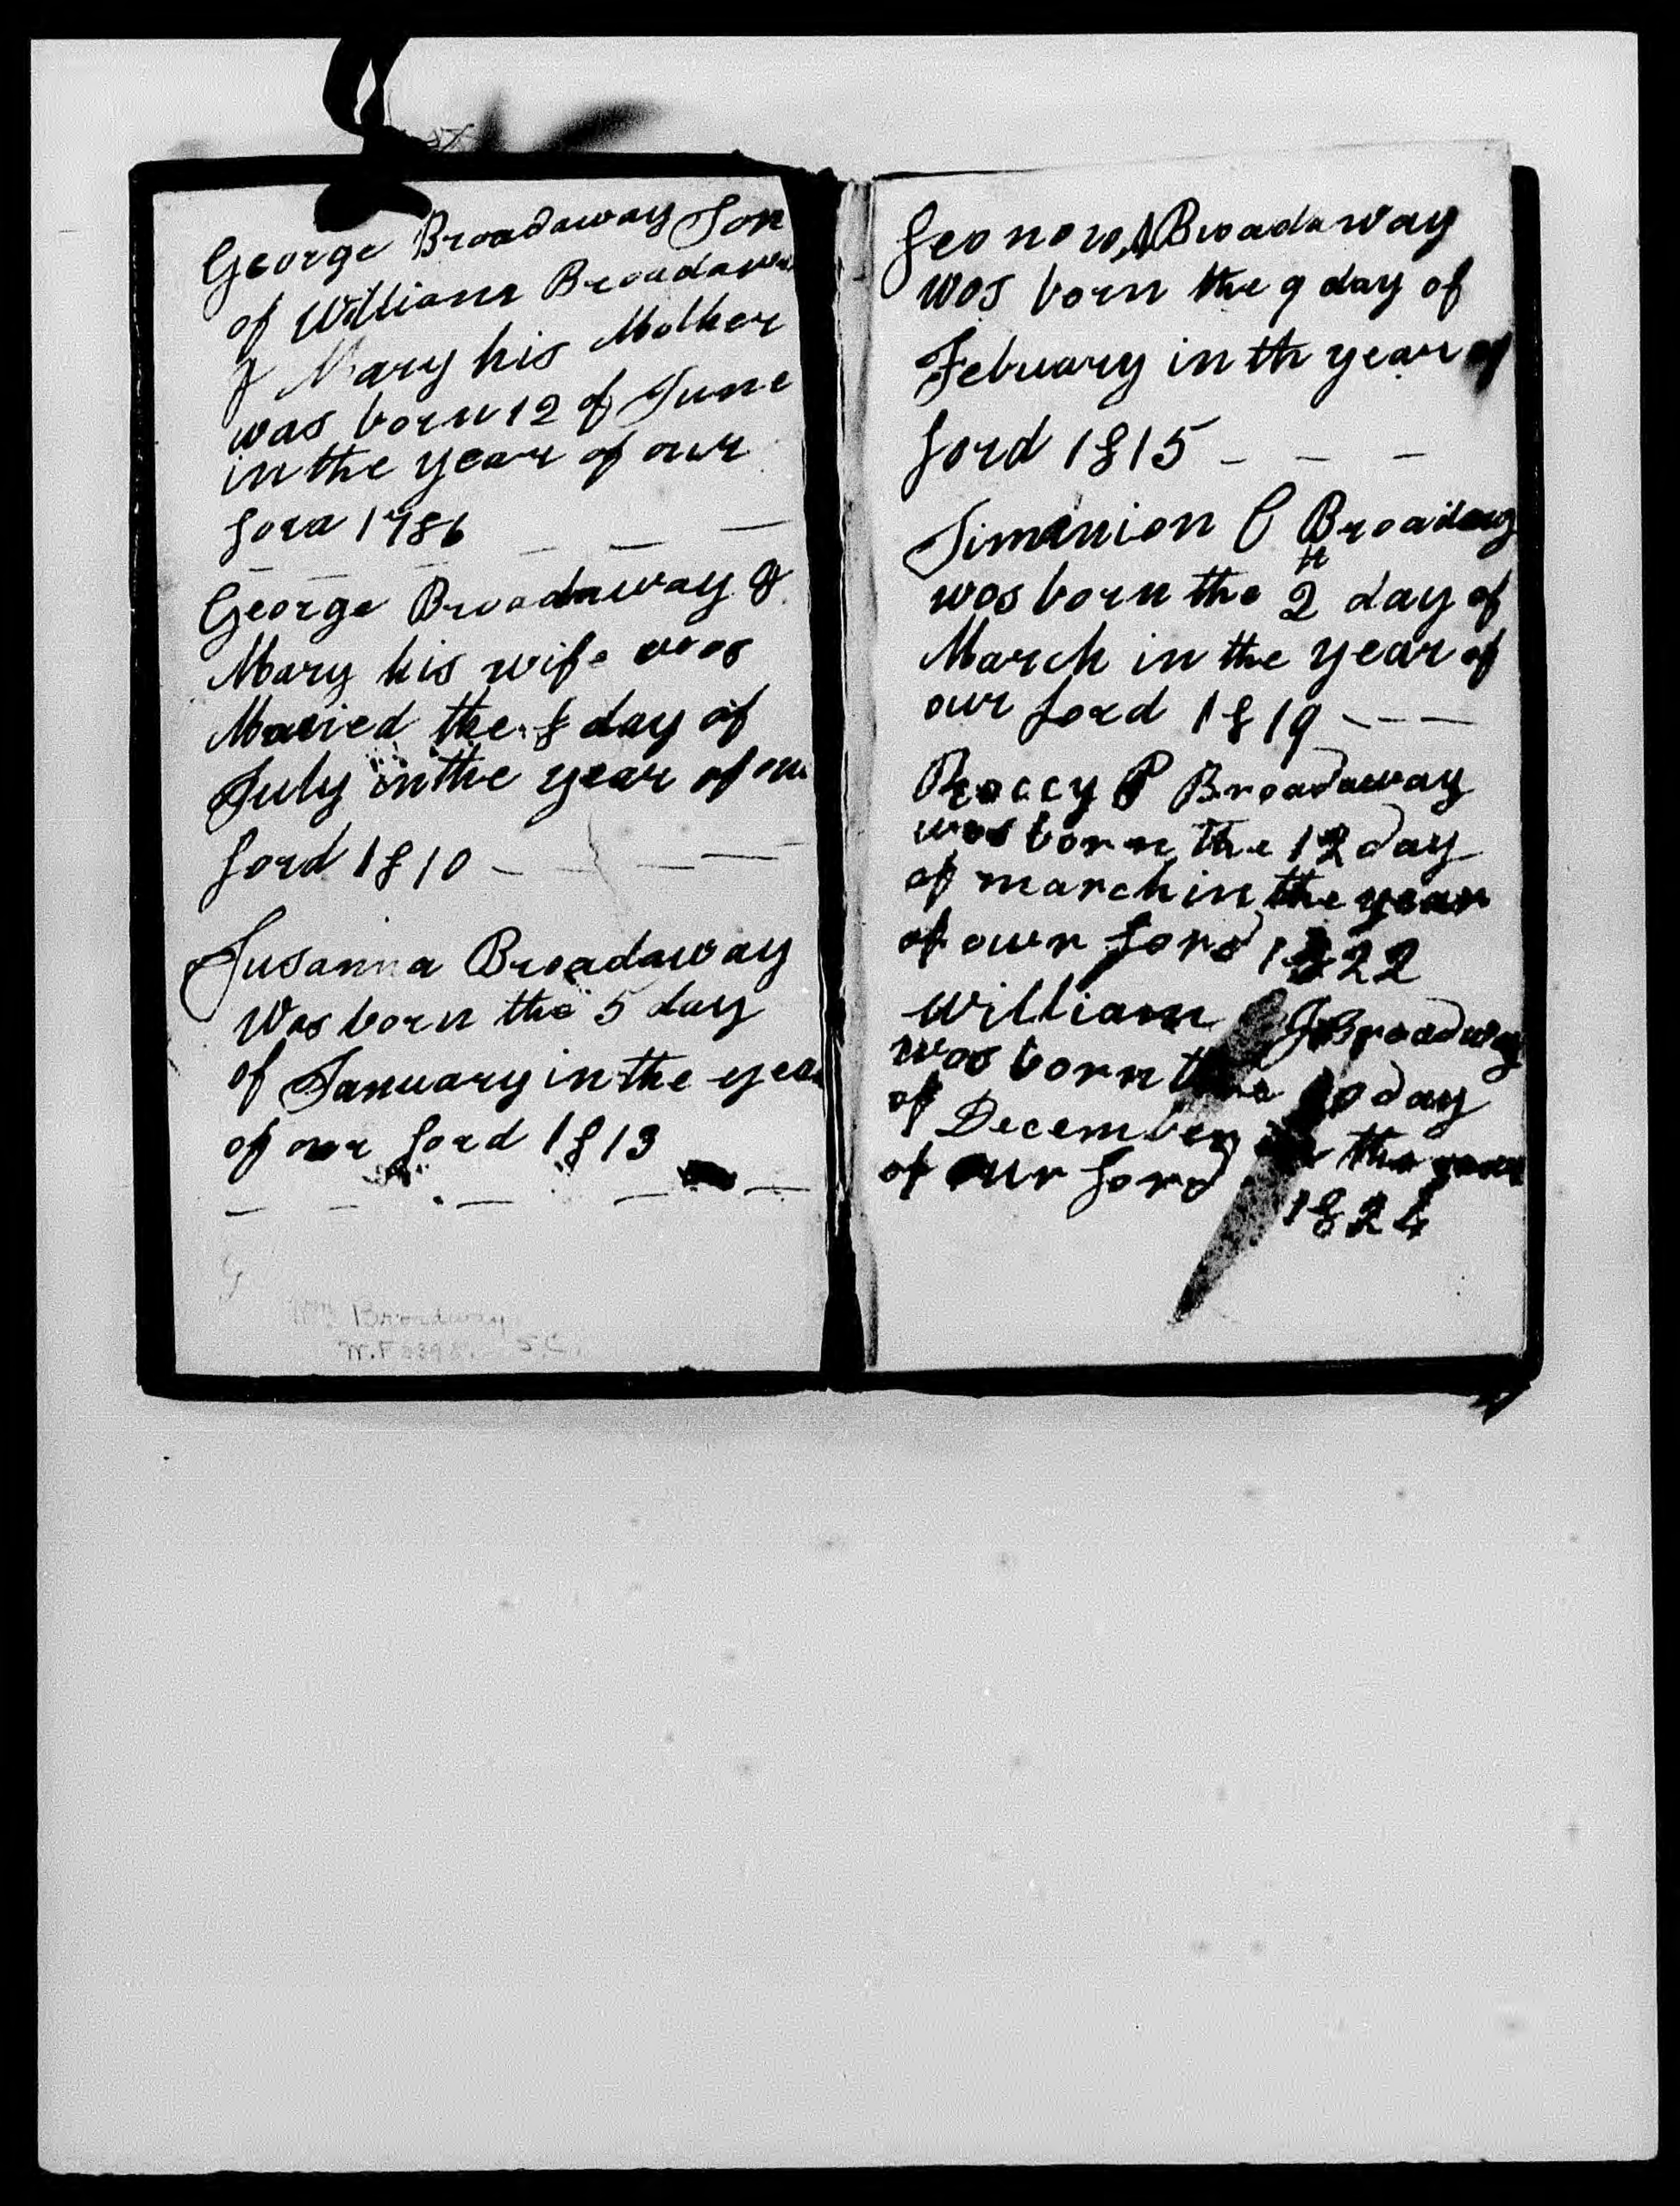George Broadaway Son
William Broadaway
& Mary his Mother
was born 12 of June
in the year of our
Lord 1786
----------------------
George Broadway &
Mary his wife of
Maried the 7 day of
July in the year of ┃
Lord 1810 ----------
-
Susanna Broadaway
was born the 5 day
of January in the year
of our Lord 1813
--------------------
Wm Broadaway
W. F.8398. S.C.
---
Leonard Broadway
was born the 9 day of
February in the year
Lord 1815 ------------

Simmion C  Broadaway
was born the 2 day of 
March in the year of 
our Lord 1819 ---

Roccy P Broadaway
was born the 12 day
of March in the year
of our Lord  1822

William J. Broadaway
was born [illegible] day
of December in this year 
of our Lord 1824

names: George Broadaway, Mary, William J Broadaway, Mary, William Broadaway, Simmion C Broadaway, George Broadaway, Wm Broadway, Roccy P Broadaway, Leonard Broadaway, Susanna Broadaway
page: 11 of 98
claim: widow's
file: W. 8398, William Broadway, S.C.